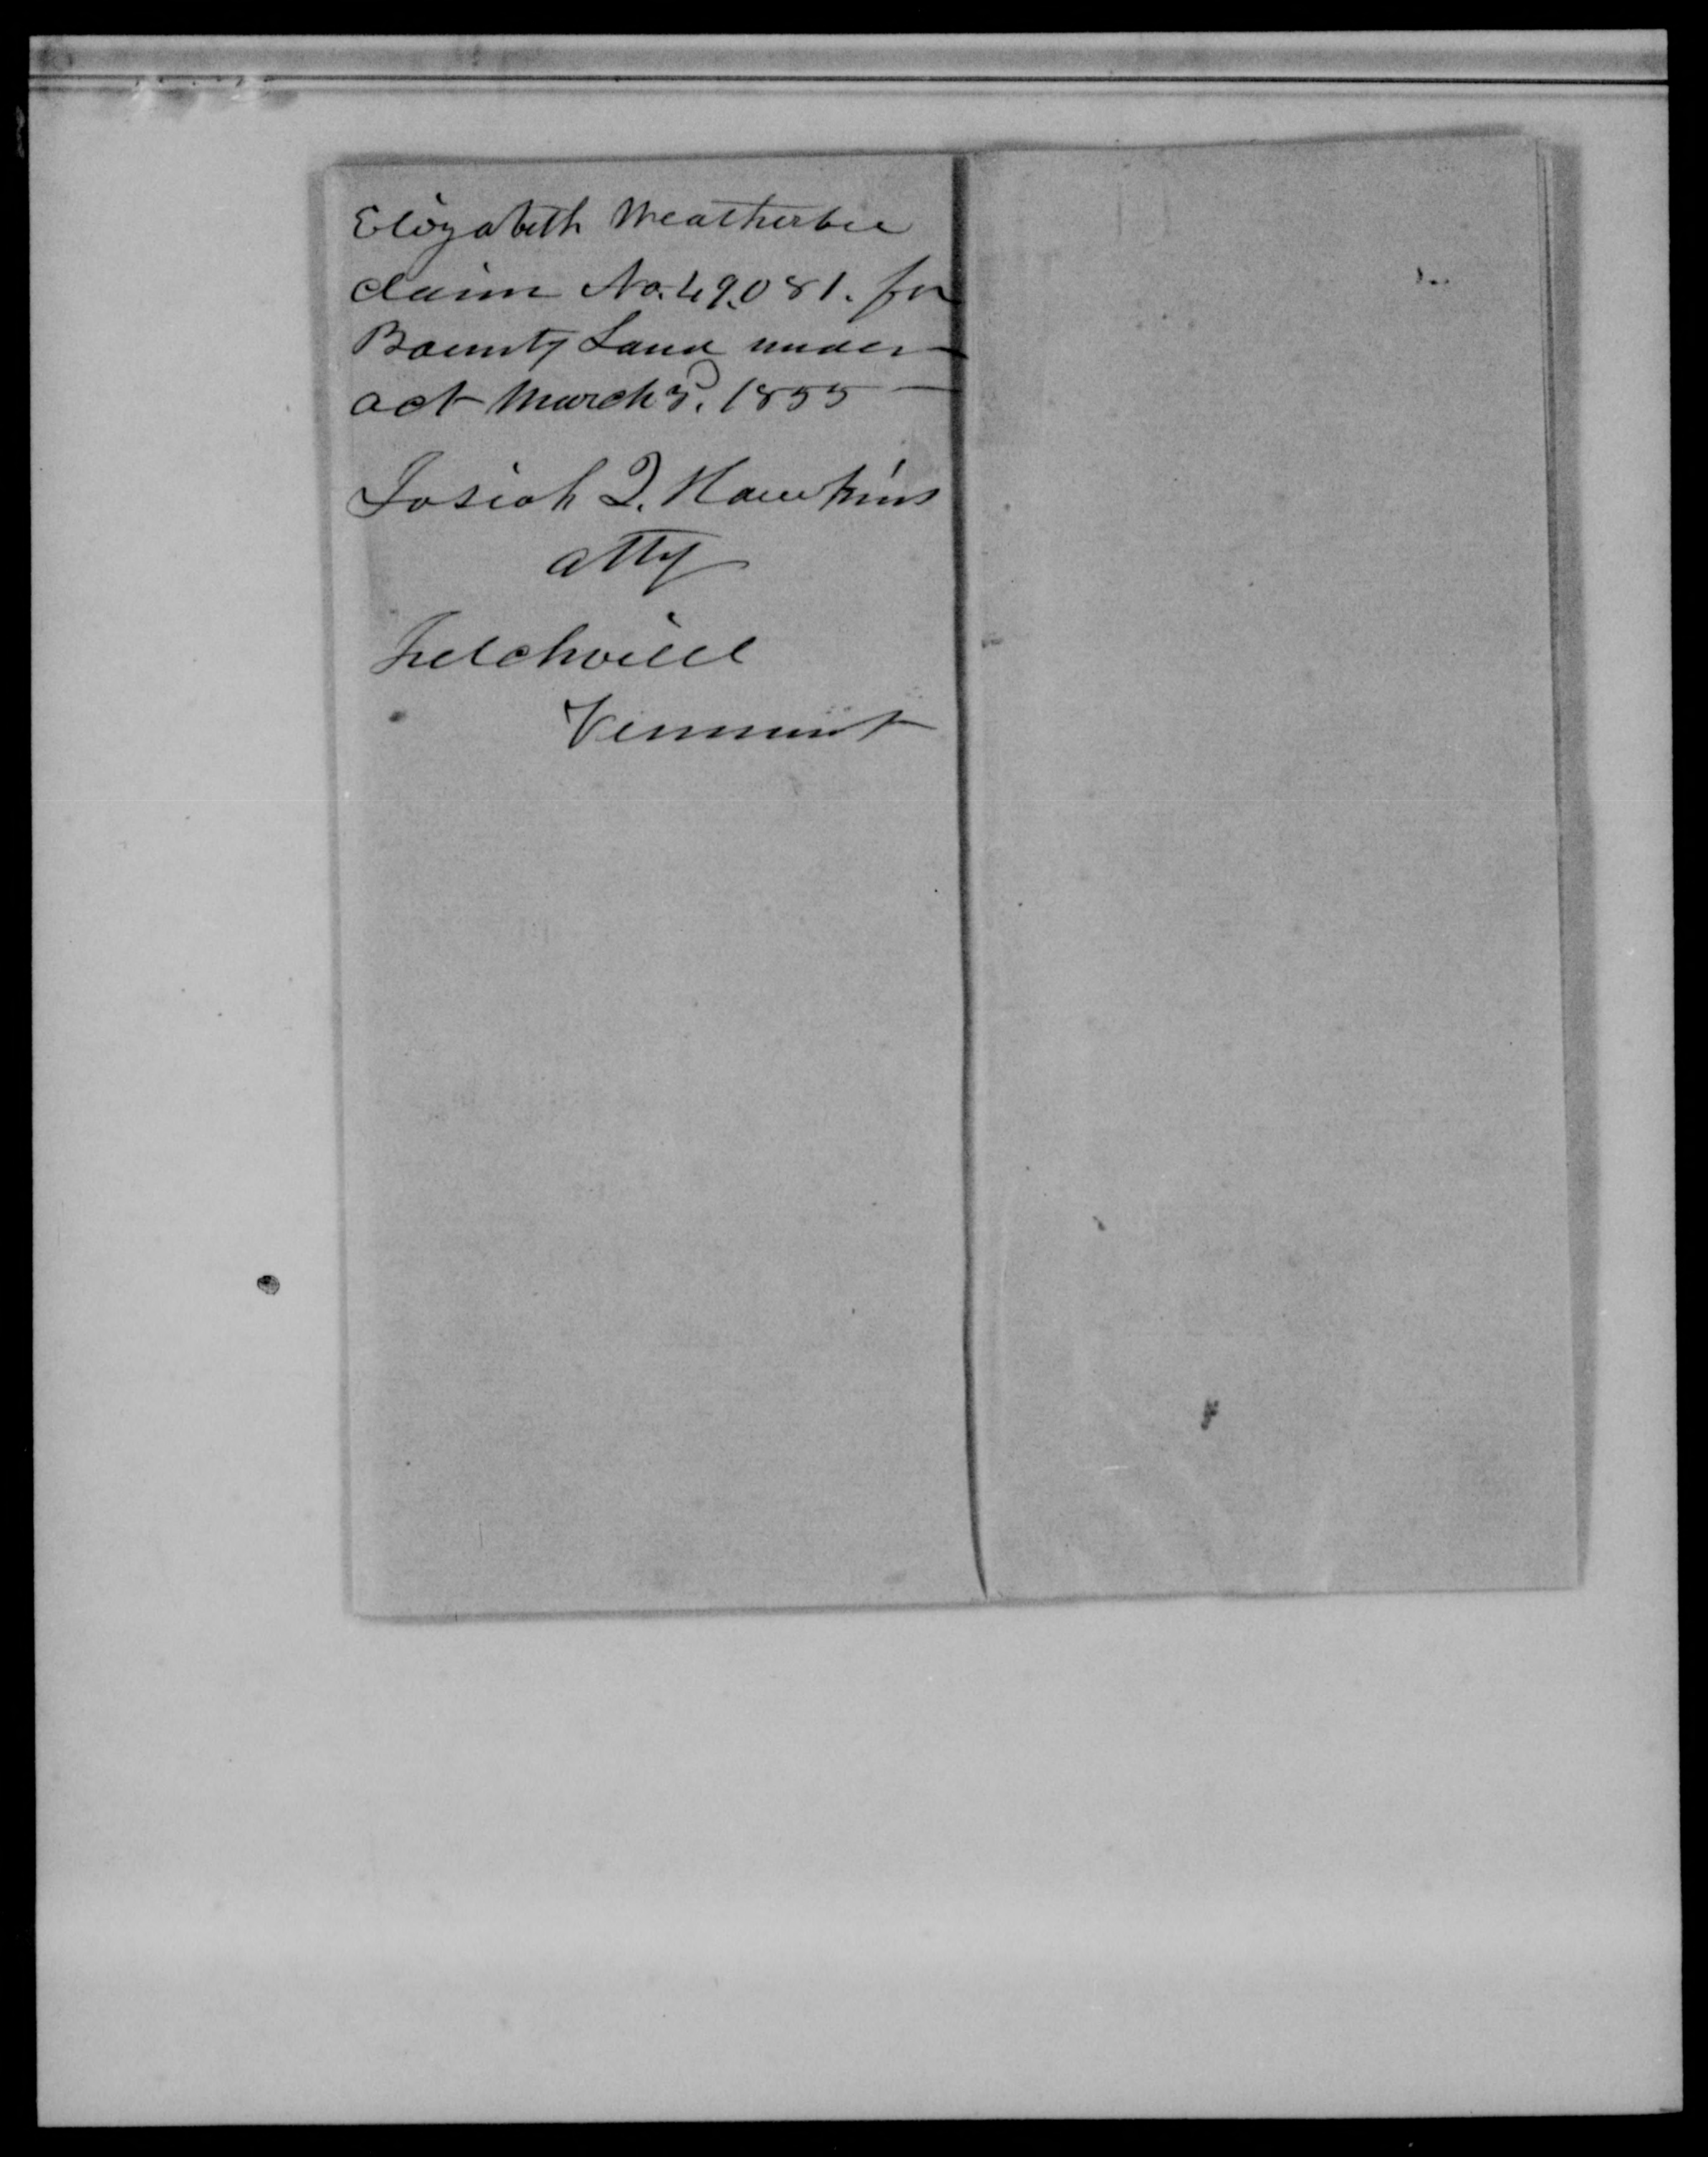Elizabeth Weatherbee
claim No. 48.081
Bounty Land under 
act March 7, 1855

Josiah Q. Hawkins
atty.
Felchville
Vermont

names: Elizabeth Weatherbee, Josiah Q Hawkins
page: 60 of 66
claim: widow's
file: W. 2468, Amos Wetherbee, Mass.